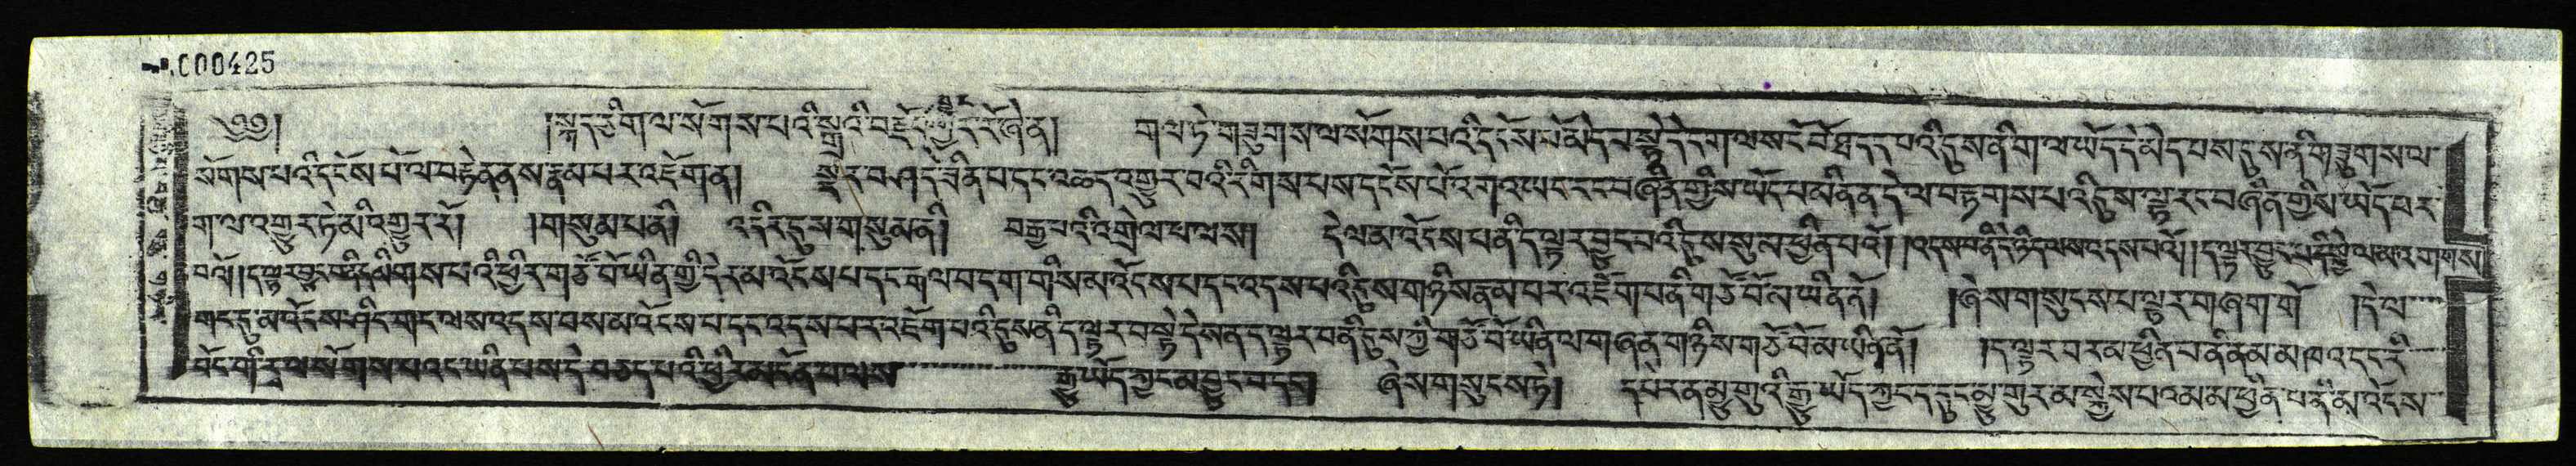༄༅། །སྐད་ཅིག་ལ་སོགས་པའི་སྒྲའི་བརྗོད་བྱར་འགྱུར་རོ་ཞེ་ན། གལ་ཏེ་གཟུགས་ལ་སོགས་པའི་དངོས་པོ་མེད་པ་སྟེ་དེ་དག་ལས་ངོ་བོ་ཐ་དད་པའི་དུས་ནི་ག་ལ་ཡོད་དེ་མེད་པས་དུས་ནི་གཟུགས་ལ་
སོགས་པའི་དངོས་པོ་ལ་བརྟེན་ནས་རྣམ་པར་འཇོག་ན། སྔར་བཤད་ཟིན་པ་དང་འཆད་འགྱུར་བའི་རིགས་པས་དངོས་པོ་འགའ་ཡང་རང་བཞིན་གྱིས་ཡོད་པ་མིན་ན་དེ་ལ་བརྟགས་པའི་དུས་ལྟ་རང་བཞིན་གྱིས་ཡོད་པར་
ག་ལ་འགྱུར་ཏེ་མི་འགྱུར་རོ། །གསུམ་པ་ནི། འདིར་དུས་གསུམ་ནི། བརྒྱ་པའི་འགྲེལ་པ་ལས། དེ་ལམ་འོངས་པ་ནི་ད་ལྟར་བྱུང་བའི་དུས་སུ་མ་ཕྱིན་པའོ། །འདས་པ་ནི་དེ་ཉིད་ལས་འདས་པའོ། །ད་ལྟར་བྱུང་པ་ནི་སྐྱེ་ལ་མ་འགགས་
བའོ། །ད་ལྟར་བྱུང་བ་ནི་དམིགས་པའི་ཕྱིར་གཙོ་བོ་ཡིན་གྱི་དེར་མ་འོངས་པ་དང་རྒལ་བ་དག་གིས་མ་འོངས་པ་དང་འདས་པའི་དུས་གཉིས་རྣམ་པར་འཇོག་པ་ནི་གཙོ་བོ་མ་ཡིན་ནོ། །ཞེས་གསུངས་པ་ལྟར་གཞག་གོ །དེ་ལ་
གང་དུ་མ་འོངས་ཤིང་གང་ལས་འདས་པས་མ་འོངས་པ་དང་འདས་པར་འཇོག་པའི་དུས་ནི་ད་ལྟར་བ་སྟེ་དེས་ན་ད་ལྟར་བ་ནི་དུས་ཀྱི་གཙོ་བོ་ཡིན་ལ་གཞན་གཉིས་གཙོ་བོ་མ་ཡིན་ནོ། །ད་ལྟར་བར་མ་ཕྱིན་པ་ནི་ནམ་མཁའ་དང་རི་
བོང་གི་རྭ་ལ་སོགས་པའང་ཡིན་པས་དེ་བཅད་པའི་ཕྱིར་མངོན་པ་ལས་རྒྱུ་ཡོད་ཀྱང་མ་བྱུང་བ་དང་། ཞེས་གསུངས་ཏེ། དཔེར་ན་མྱུ་གུའི་རྒྱུ་ཡོད་ཀྱང་ད་དུང་མྱུ་གུར་མ་སྐྱེས་པའམ་མ་ཕྱིན་པ་ནི་མ་འོངས་